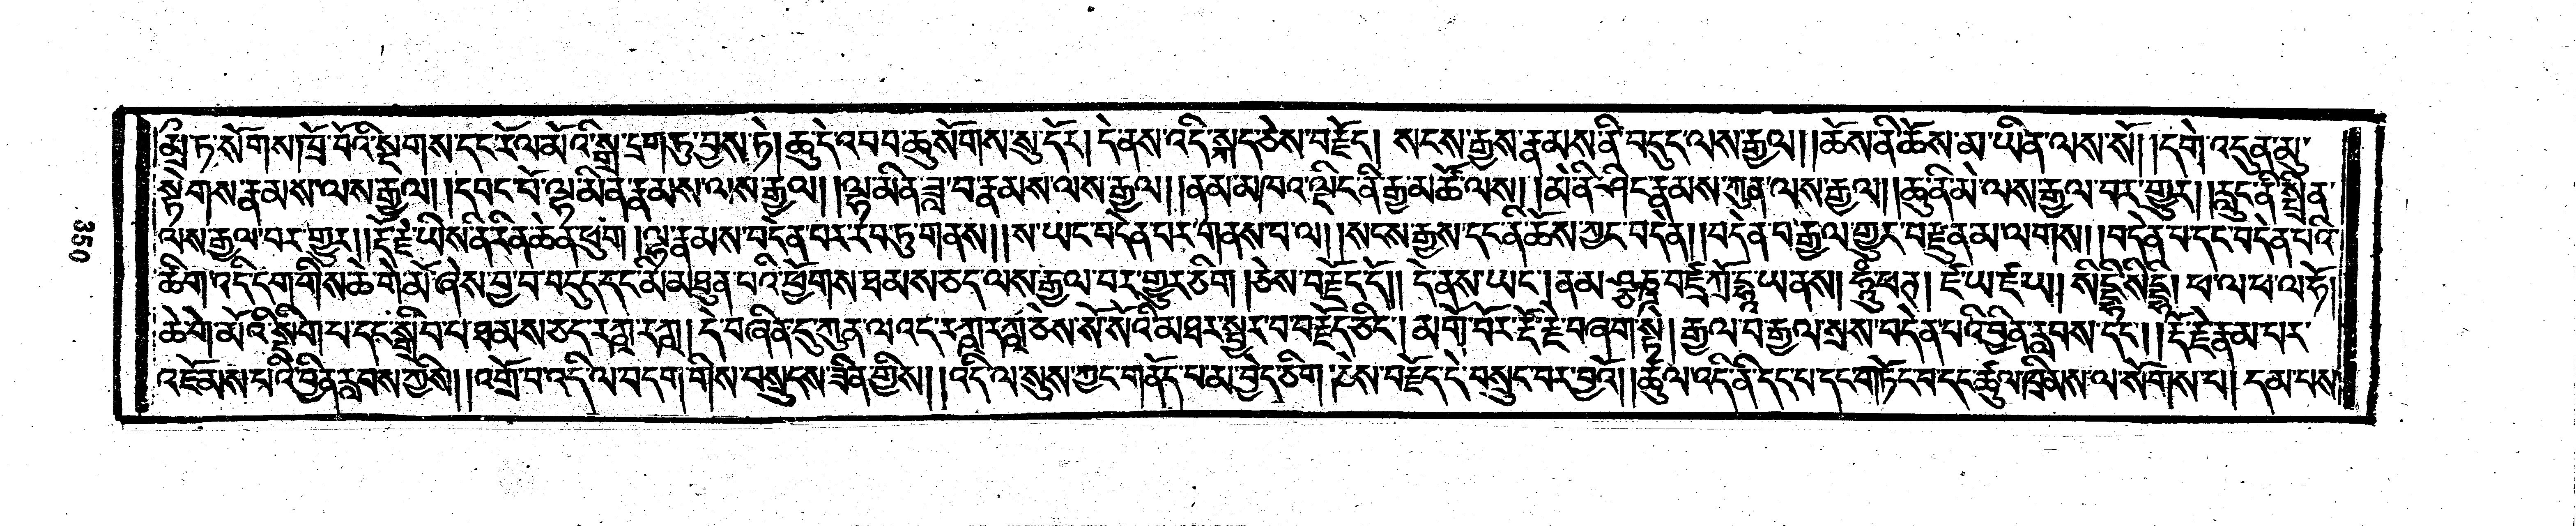མྲྀ་ཏ་སོགས་ཁྲོ་བོའི་སྔགས་དང་རོལ་མོའི་སྒྲ་དྲག་ཏུ་བྱས་ཏེ། ཆུ་དེ་འབབ་ཆུ་སོགས་སུ་དོར། དེ་ནས་འདི་སྐད་ཅེས་བརྗོད། སངས་རྒྱས་རྣམས་ནི་བདུད་ལས་རྒྱལ། །ཆོས་ནི་ཆོས་མ་ཡིན་ལས་སོ། །དགེ་འདུན་མུ་
སྟེགས་རྣམས་ལས་རྒྱལ། །དབང་པོ་ལྷ་མིན་རྣམས་ལས་རྒྱལ། །ལྷ་མིན་ཟླ་བ་རྣམས་ལས་རྒྱལ། །ནམ་མཁའ་ལྡིང་ནི་རྒྱ་མཚོ་ལས། །མེ་ནི་ཤིང་རྣམས་ཀུན་ལས་རྒྱལ། །ཆུ་ནི་མེ་ལས་རྒྱལ་བར་གྱུར། །རླུང་ནི་སྤྲིན་
ལས་རྒྱལ་བར་གྱུར། །རྡོ་རྗེ་ཡིས་ནི་རིན་ཆེན་ཕུག །ལྷ་རྣམས་བདེན་པར་རབ་ཏུ་གནས། །ས་ཡང་བདེན་པར་གནས་པ་ལ། །སངས་རྒྱས་དང་ནི་ཆོས་ཀྱང་བདེན། །བདེན་པ་རྒྱལ་གྱུར་བརྫུན་མ་ལགས། །བདེན་པ་དང་བདེན་པའི་
ཚིག་འདི་དག་གིས་ཆེ་གེ་མོ་ཞེས་བྱ་བ་བདུད་དང་མི་མཐུན་པའི་ཕྱོགས་ཐམས་ཅད་ལས་རྒྱལ་བར་གྱུར་ཅིག །ཅེས་བརྗོད་དོ། །དེ་ནས་ཡང་། ན་མ་ཤྩཎྜ་བཛྲ་ཀྲོ་དྷཱ་ཡ་ནས། ཧཱུཾ་ཕཊ། ཛ་ཡ་ཛ་ཡ། སིདྡྷི་སིདྡྷི། ཕ་ལ་ཕ་ལ་ཧོ།
ཆེ་གེ་མོའི་སྡིག་པ་དང་སྒྲིབ་པ་ཐམས་ཅད་རཀྵ་རཀྵ། དེ་བཞིན་དུ་ཀུན་ལའང་རཀྵ་རཀྵ་ཅེས་སོ་སོའི་མཐར་སྦྱར་བ་བརྗོད་ཅིང་། མགོ་བོར་རྡོ་རྗེ་བཞག་སྟེ། རྒྱལ་བ་རྒྱལ་སྲས་བདེན་པའི་བྱིན་རླབས་དང་། །རྡོ་རྗེ་རྣམ་པར་
འཇོམས་པའི་བྱིན་རླབས་ཀྱིས། །འགྲོ་བ་འདི་ལ་བདག་གིས་བསྲུངས་ཟིན་གྱིས། །འདི་ལ་སུས་ཀྱང་གནོད་པ་མ་བྱེད་ཅིག །ཅེས་བརྗོད་དེ་བསྲུང་བར་བྱའོ། །ཚུལ་འདི་ནི་དད་པ་དང་གཏོང་བ་དང་ཚུལ་ཁྲིམས་ལ་སོགས་པ། དམ་པས་